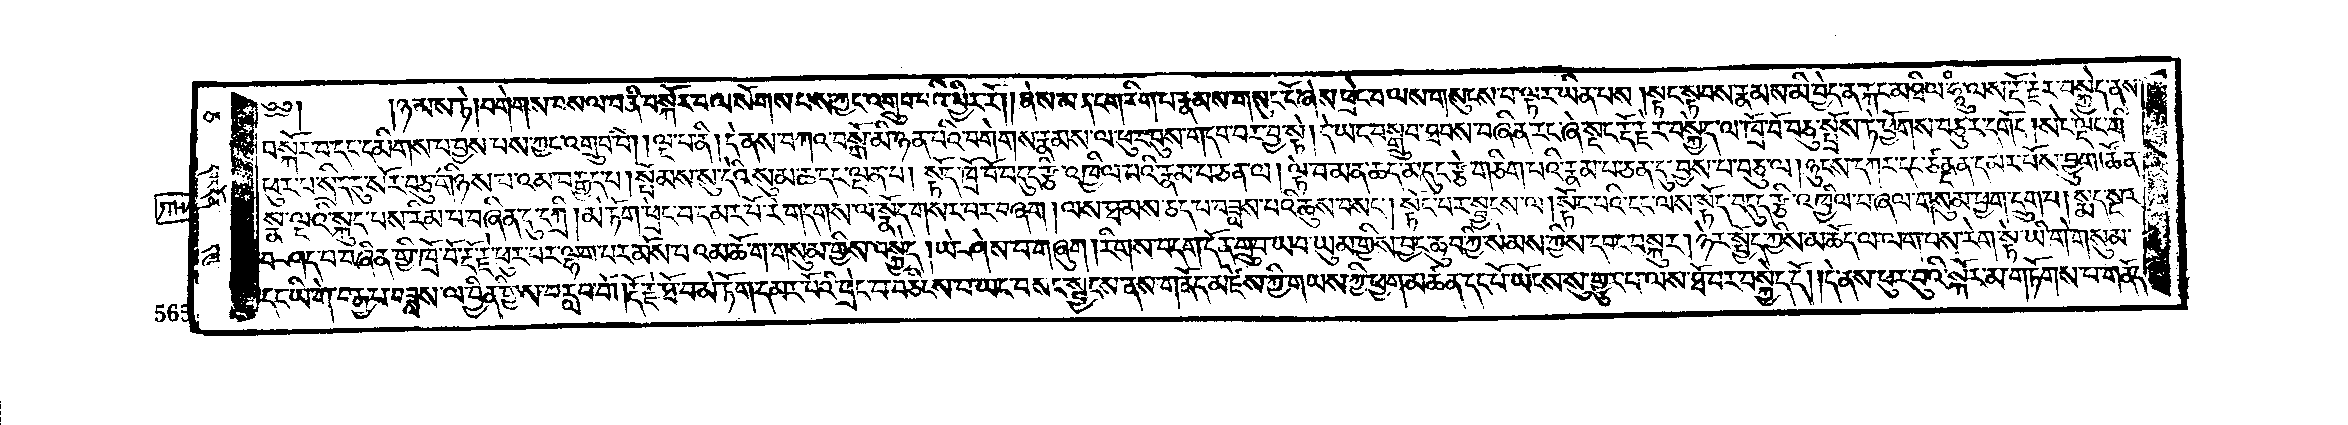༄༅། །ཉམས་ཏེ། བགེགས་བསལ་བ་ནི་བསྐོར་བ་ལ་སོགས་པས་ཀྱང་འགྲུབ་པའི་ཕྱིར་རོ། །ཞེས་མན་ངག་རིག་པ་རྣམས་གསུང་ངོ་ཞེས་ཕྲེང་བ་ལས་གསུངས་པ་ལྟར་ཡིན་པས། སྟང་སྟབས་རྣམས་མི་བྱེད་ན་རྐང་མཐིལ་ཧཱུཾ་ལས་རྡོ་རྗེར་བསྐྱེད་ནས་
བསྐོར་བ་དང་དམིགས་པ་བྱས་པས་ཀྱང་འགྲུབ་བོ། །ལྔ་པ་ནི། དེ་ནས་བཀའ་བསྒོ་མི་ཉན་པའི་བགེགས་རྣམས་ལ་ཕུར་བུས་གདབ་པར་བྱ་སྟེ། དེ་ཡང་བསྒྲུབ་ཐབས་བཞིན་རང་ཞེ་སྡང་རྡོ་རྗེར་བསྐྱེད་ལ་ཁྲོ་བོ་བཅུ་སྤྲོས་ཏེ་ཕྱོགས་བཅུར་དགོད། སེང་ལྡེང་གི་
ཕུར་པ་སྲིད་དུ་སོར་བཅུ་གཉིས་པ་འམ་བརྒྱད་པ། སྤོམས་སུ་དེའི་སུམ་ཆ་དང་ལྡན་པ། སྟོད་ཁྲོ་བོ་བདུད་རྩི་འཁྱིལ་པའི་རྣམ་པ་ཅན་ལ། ལྟེ་བ་མན་ཆད་མདུང་རྩེ་གཅིག་པའི་རྣམ་པ་ཅན་དུ་བྱས་པ་བཅུ་ལ། ཉུངས་དཀར་དང་ཙན་དན་དམར་པོས་བྱུག །ཚོན་
སྣ་ལྔའི་སྐུད་པས་རིམ་པ་བཞིན་དུ་དཀྲི། མེ་ཏོག་ཕྲེང་བ་དམར་པོ་རེ་གདགས་ལ་སྣོད་གསར་པར་བཞག །ལས་ཐམས་ཅད་པ་བཟླས་པའི་ཆུས་བསང་། སྟོང་པར་སྦྱངས་ལ། སྟོང་པའི་ངང་ལས་སྟོད་བདུད་རྩི་འཁྱིལ་པ་ཞལ་གསུམ་ཕྱག་དྲུག་པ། སྨད་སྔར་
བཤད་པ་བཞིན་གྱི་ཁྲོ་བོ་རྡོ་རྗེ་ཕུར་པར་ལྷག་པར་མོས་པའམ་ཆོ་ག་གསུམ་གྱིས་བསྐྱེད། ཡེ་ཤེས་པ་གཞུག །རིགས་བདག་དོན་གྲུབ་ཡབ་ཡུམ་གྱིས་བྱང་ཆུབ་ཀྱི་སེམས་ཀྱིས་དབང་བསྐུར། ཉེར་སྤྱོད་ཀྱིས་མཆོད་ལ་ལག་པས་རེག་སྟེ་ཡི་གེ་གསུམ་
དང་ཡི་གེ་བརྒྱ་པ་བཟླས་ལ་བྱིན་གྱིས་བརླབ་བོ། །རྡོ་རྗེ་ཐོ་བ་མེ་ཏོག་དམར་པོའི་ཕྲེང་བ་བཅིངས་པ་ཡང་བསང་སྦྱངས་ནས་གནོད་མཛེས་ཀྱི་གཡས་ཀྱི་ཕྱག་མཚན་དང་པོ་ཡོངས་སུ་གྱུར་པ་ལས་ཐོ་བར་བསྐྱེད་དོ། །དེ་ནས་ཕུར་བུའི་སྐོར་མ་གཏོགས་པ་གནོད་